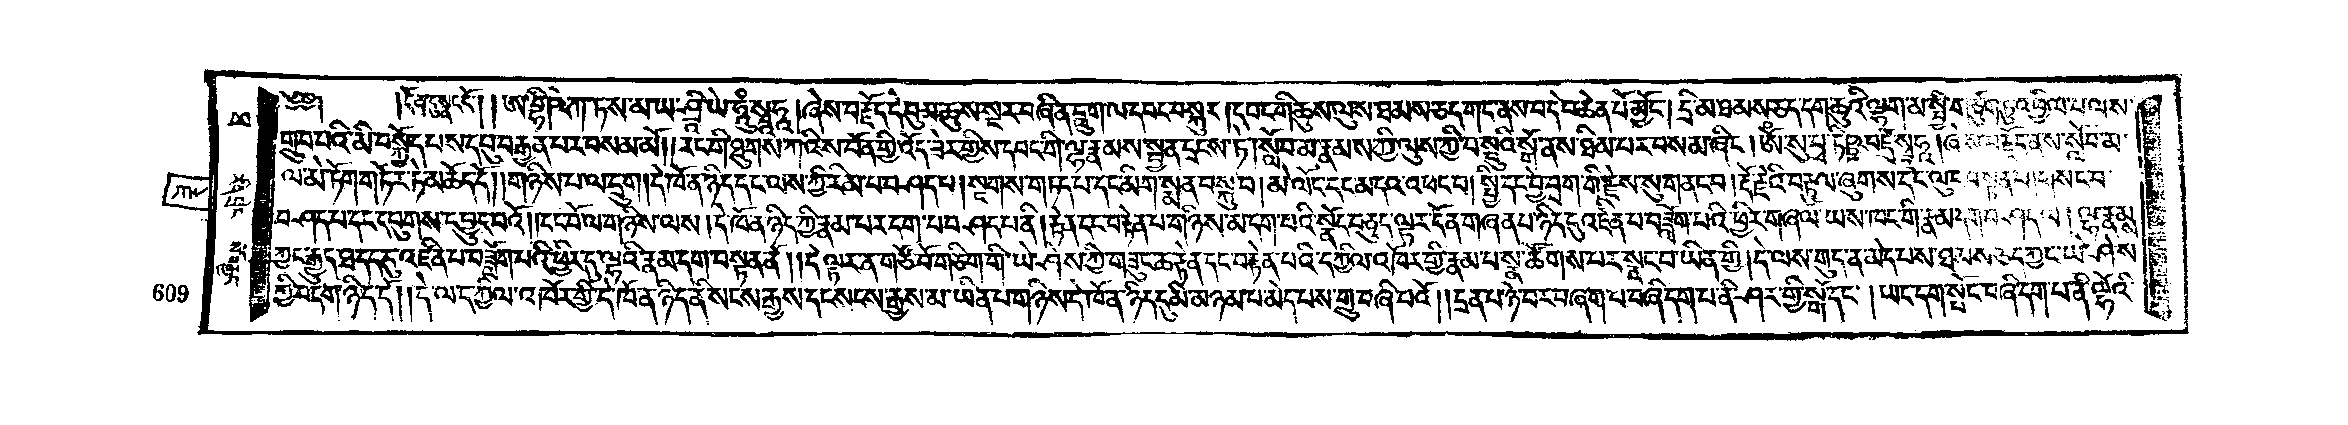༄༅། །དོན་དུ་སྣང་ངོ། །ཨ་བྷི་ཥེ་ཀ་ཏ་ས་མ་ཡ་ཤྲཱི་ཡེ་ཧཱུཾ་སྭཱཧཱ། ཞེས་བརྗོད་དེ་བུམ་ཆུས་སྔར་བཞིན་བླུག་ལ་དབང་བསྐུར། དབང་གི་ཆུས་ལུས་ཐམས་ཅད་གང་ནས་བདེ་བ་ཆེན་པོ་མྱོང་། དྲི་མ་ཐམས་ཅད་དག་ཆུའི་ལྷག་མ་སྤྱི་གཙུག་ཏུ་འཁྱིལ་བ་ལས་
གྲུབ་པའི་མི་བསྐྱོད་པས་དབུ་བརྒྱན་པར་བསམ་མོ། །རང་གི་ཐུགས་ཀའི་ས་བོན་གྱི་འོད་ཟེར་གྱིས་དབང་གི་ལྷ་རྣམས་སྤྱན་དྲངས་ཏེ། སློབ་མ་རྣམས་ཀྱི་ལུས་ཀྱི་བ་སྤུའི་སྒོ་ནས་ཐིམ་པར་བསམ་ཞིང་། ཨོཾ་སུ་པྲ་ཏིཥཊཿཨ་བཛྲ་སྭཱཧཱ། ཞེས་བརྗོད་ནས་སློབ་མ་
ལ་མེ་ཏོག་གཏོར་ཏེ་མཆོད་དོ། །གཉིས་པ་ལ་དྲུག །དེ་ཁོ་ན་ཉིད་དང་ལས་ཀྱི་རིམ་པ་བཤད་པ། སྔགས་གཏད་པ་དང་མིག་སྨན་བསྐུ་བ། མེ་ལོང་དང་མདའ་འཕང་བ། སྤྱི་དང་བྱེ་དྲག་གི་རྗེས་སུ་གནང་བ། རྡོ་རྗེའི་བརྟུལ་ཞུགས་དང་ལུང་བསྟན་པ། གསང་བ་
བཤད་པ་དང་དབུགས་དབྱུང་བའོ། །དང་པོ་ལ་གཉིས་ལས། དེ་ཁོ་ན་ཉིད་ཀྱི་རྣམ་པར་དག་པ་བཤད་པ་ནི། རྟེན་དང་བརྟེན་པ་གཉིས་མ་དག་པའི་སྣོད་བཅུད་ལྟར་དོན་གཞན་པ་ཉིད་དུ་འཛིན་པ་བཟློག་པའི་ཕྱིར་གཞལ་ཡས་ཁང་གི་རྣམ་དག་བཤད་ལ། ལྷ་རྣམས་
ཀྱང་རྒྱུད་ཐ་དད་དུ་འཛིན་པ་བཟློག་པའི་ཕྱིར་དུ་ལྷའི་རྣམ་དག་བསྟན་ནོ། །དེ་ལྟར་ན་གཙོ་བོ་གཅིག་གི་ཡེ་ཤེས་ཀྱི་གཟུང་ཆ་རྟེན་དང་བརྟེན་པའི་དཀྱིལ་འཁོར་གྱི་རྣམ་པ་སྣ་ཚོགས་པར་སྣང་བ་ཡིན་གྱི། དེ་ལས་གུད་ན་མེད་པས་ཐམས་ཅད་ཀྱང་ཡེ་ཤེས་
ཀྱི་བདག་ཉིད་དོ། །དེ་ལ་དཀྱིལ་འཁོར་གྱི་དེ་ཁོ་ན་ཉིད་ནི་སངས་རྒྱས་དང་སངས་རྒྱས་མ་ཡིན་པ་གཉིས་དེ་ཁོ་ན་ཉིད་དུ་མི་མཉམ་པ་མེད་པས་གྲུ་བཞི་པའོ། །དྲན་པ་ཉེ་བར་བཞག་པ་བཞི་དག་པ་ནི་ཤར་གྱི་སྒོ་དང་། ཡང་དག་སྤོང་བཞི་དག་པ་ནི་ལྷོའི་